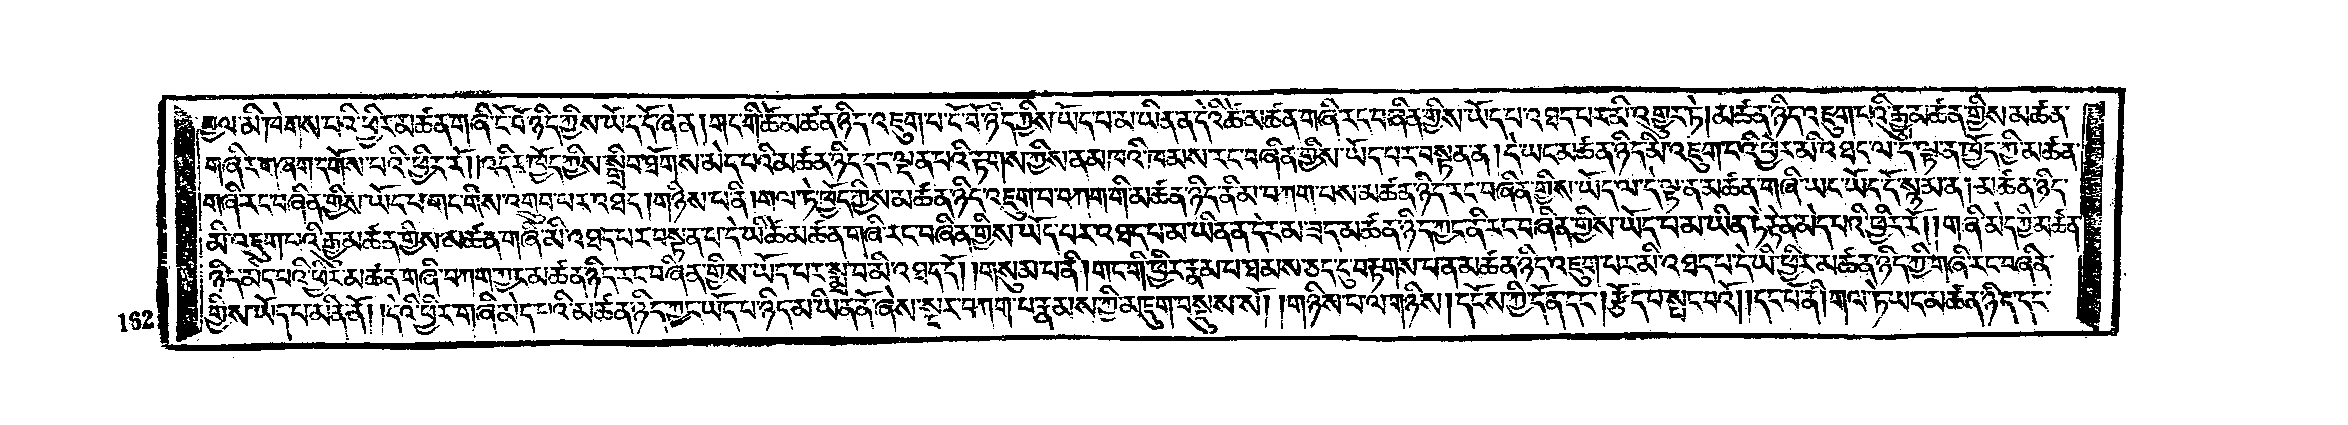གྱལ་མི་ཁེགས་པའི་ཕྱིར་མཚན་གཞི་ངོ་བོ་ཉིད་ཀྱིས་ཡོད་དོ་ཞེ་ན། གང་གི་ཚེ་མྟྣས་ཉིད་འཇུག་པ་ངོ་བོ་ཉིད་ཀྱིས་ཡོད་པ་མ་ཡིན་ན་དེའི་ཚེ་མཚན་གཞི་རང་བཞིན་གྱིས་ཡོད་པ་འཐད་པར་མི་འགྱུར་ཏེ། མཚན་ཉིད་འཇུག་པའི་རྒྱུ་མཚན་གྱིས་མཚན་
གཞིར་གཞག་དགོས་པའི་ཕྱིར་རོ། །འདིར་ཁྱོད་ཀྱིས་སྒྲིབ་ཐོགས་མེད་པའི་མཚན་ཉིད་དང་ལྡན་པའི་རྟགས་ཀྱིས་ནམཁའི་ཁམས་རང་བཞིན་གྱིས་ཡོད་པར་བསྟན་ན། དེ་ཡང་མཚན་ཉིད་མི་འཇུག་པའི་ཕྱིར་མི་འཐད་ལ་དེ་ལྟ་ན་ཁྱོད་ཀྱི་མཚན་
གཞི་རང་བཞིན་གྱིས་ཡོད་པ་གང་གིས་འགྲུབ་པར་འཐད། གཉིས་པ་ནི། གལ་ཏེ་ཁྱོད་ཀྱིས་མཚན་ཉིད་འཇུག་པ་བཀག་གི་མཚན་ཉིད་ནི་མ་བཀག་པས་མཚན་ཉིད་རང་བཞིན་གྱིས་ཡོད་ལ་དེ་ལྟ་ན་མཚན་གཞི་ཡང་ཡོད་དོ་སྙམ་ན། མཚན་ཉིད་
མི་འཇུག་པའི་རྒྱུ་མཚན་གྱིས་མཚན་གཞི་མི་འཐད་པར་བསྟན་པ་དེ་ཡི་ཚེ་མཚན་གཞི་རང་བཞིན་གྱིས་ཡོད་པར་འཐད་པ་མ་ཡིན་ན་དེར་མ་ཟད་མཚན་ཉིད་ཀྱང་ནི་རང་བཞིན་གྱིས་ཡོད་པ་མ་ཡིན་ཏེ་རྟེན་མེད་པའི་ཕྱིར་རོ། །གཞི་མེད་ཀྱི་མཚན་
ཉིད་མེད་པའི་ཕྱིར་མཚན་གཞི་བཀག་ཀྱང་མཚན་ཉིད་རང་བཞིན་གྱིས་ཡོད་པར་སྨྲ་བ་མི་འཐད་དོ། །གསུམ་པ་ནི། གང་གི་ཕྱིར་རྣམ་པ་ཐམས་ཅད་དུ་བརྟགས་པ་ན་མཚན་ཉིད་འཇུག་པར་མི་འཐད་པ་དེ་ཡི་ཕྱིར་མཚན་ཉིད་ཀྱི་གཞི་རང་བཞིན་
གྱིས་ཡོད་པ་མིན་ནོ། །དེའི་ཕྱིར་གཞི་མེད་པའི་མཚན་ཡིད་ཀྱང་ཡོད་པ་ཉིད་མ་ཡིན་ནོ་ཞེས་སྔར་བཀག་པ་རྣམས་ཀྱི་མཇུག་བསྡུས་སོ། །གཉིས་པ་ལ་གཉིས། དངོས་ཀྱི་དོན་དང་། རྩོད་པ་སྤང་བའོ། །དང་པོ་ནི། གལ་ཏེ་ཡང་མཚན་ཉིད་དང་